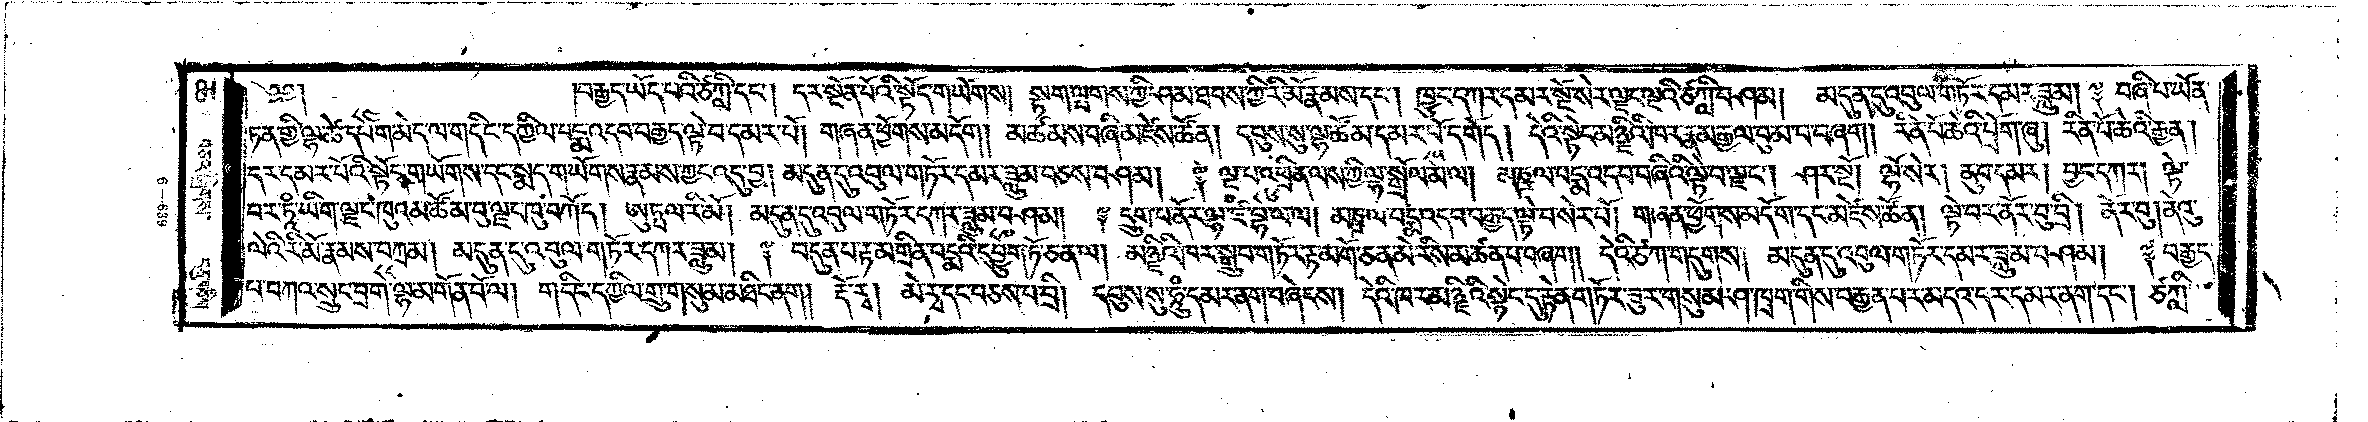༄༅། །བརྒྱད་ཡོད་པའི་ཙཀླི་དང་། དར་སྔོན་པོའི་སྟོད་གཡོགས། སྟག་ཝགས་ཀྱི་ཤམ་ཐབས་ཀྱི་རི་མོ་རྣམས་དང་། ཁྱུང་དཀར་དམར་སྔོ་སེར་ལྗང་ལྔའི་ཙཀླི་བཤམ། མདུན་དུ་འབུལ་གཏོར་དམར་ཟླུམ། ༈ བཞི་པ་ཡོན་
ཏན་གྱི་ལྷ་ཚེ་དཔག་མེད་ལ་གདིང་དཀྱིལ་པདམ་འདབ་བརྒྱད་ལྟེ་བ་དམར་པོ། གཞན་ཕྱོགས་མདོག། མཚམས་བཞི་མཛེས་ཚོན། དབུས་སུ་ལྷ་ཚོམ་དམར་པོ་དགོད། དེའི་སྟེང་མཉྫིའི་ཁར་རྣམ་རྒྱལ་བུམ་པ་བཞག། རིན་པོ་ཆེའི་བྲོག་ཞུ། རིན་པོ་ཆེའི་རྒྱན།
དར་དམར་པོའི་སྟོད་གཡོགས་དང་སྨད་གཡོགས་རྣམས་ཀྱང་འདུ་བྱ། མདུན་དུ་འབུལ་གཏོར་དམར་ཟླུམ་བཅས་བཤམ། ༈ ལྔ་པ་འཕྲིན་ལས་ཀྱི་ལྷ་སྒྲོལ་མ་ལ། མཎྜལ་པདམ་འདབ་བཞིའི་ལྟེ་བ་ལྗང་། ཤར་སྔོ། ལྷོ་སེར། ནུབ་དམར། བྱང་དཀར། ལྟེ་
བར་ཏཱཾ་ཡིག་ལྗང་ཁུའམ་ཚོམ་བུ་ལྗང་ཁུ་བཀོད། ཨུཏྤལ་རི་མོ། མདུན་དུ་འབུལ་གཏོར་ཀར་ཟུམ་བཤམ། ༈ དྲུག་བ་ནོར་ལྷ་ཛ་བྷ་པ་ལ། མཎྜལ་འདབ་བརྒྱ་ལྟེ་བ་སེར་པོ། གཞན་ཕྱོགས་མདོག་དང་མཛེས་ཚོན། ལྟེ་བར་ནོར་བུ་བྲི། ནོར་བུ། ནེའུ་
ལེའི་རི་མོ་རྣམས་བཀྲམ། མདུན་དུ་འབུལ་གཏོར་དཀར་ཟླུམ། ༈ བདུན་པ་རྟ་མགྲིན་པདམའི་དབྱུག་ཏོ་ཅན་ལ། མཉྫིའི་ཁར་སྒྲུབ་གཏོར་རྒ་མགོ་ཅན་མེ་རིས་མཚན་པ་བཞག། དེའི་ཏ་ཀ་གདུགས། མདུན་དུ་བུལ་གཏོར་དམར་ཟླུམ་བཤམ། ༈ བརྒྱད་
བ་བཀའ་སྲུང་བྲག་ལྷ་མགོན་པོ་ལ། གདིང་དཀྱིལ་གྲུ་གསུམ་མཐིང་ནག། རྡོ་རྭ། མེ་རྭ་དང་། བཅས་པ་བྲི། དབུས་སུ་ཧཱུཾ་དམར་ནག་བཞེངས། དེའི་ཁར་མཉྫིའི་སྟེང་དུ་རྟེན་གཏོར་ཟུར་གསུམ་ཤ་ཁྲག་གིས་བརྒྱན་པར་མདའ་དར་དམར་ནག་དང་། ཙཀླི་